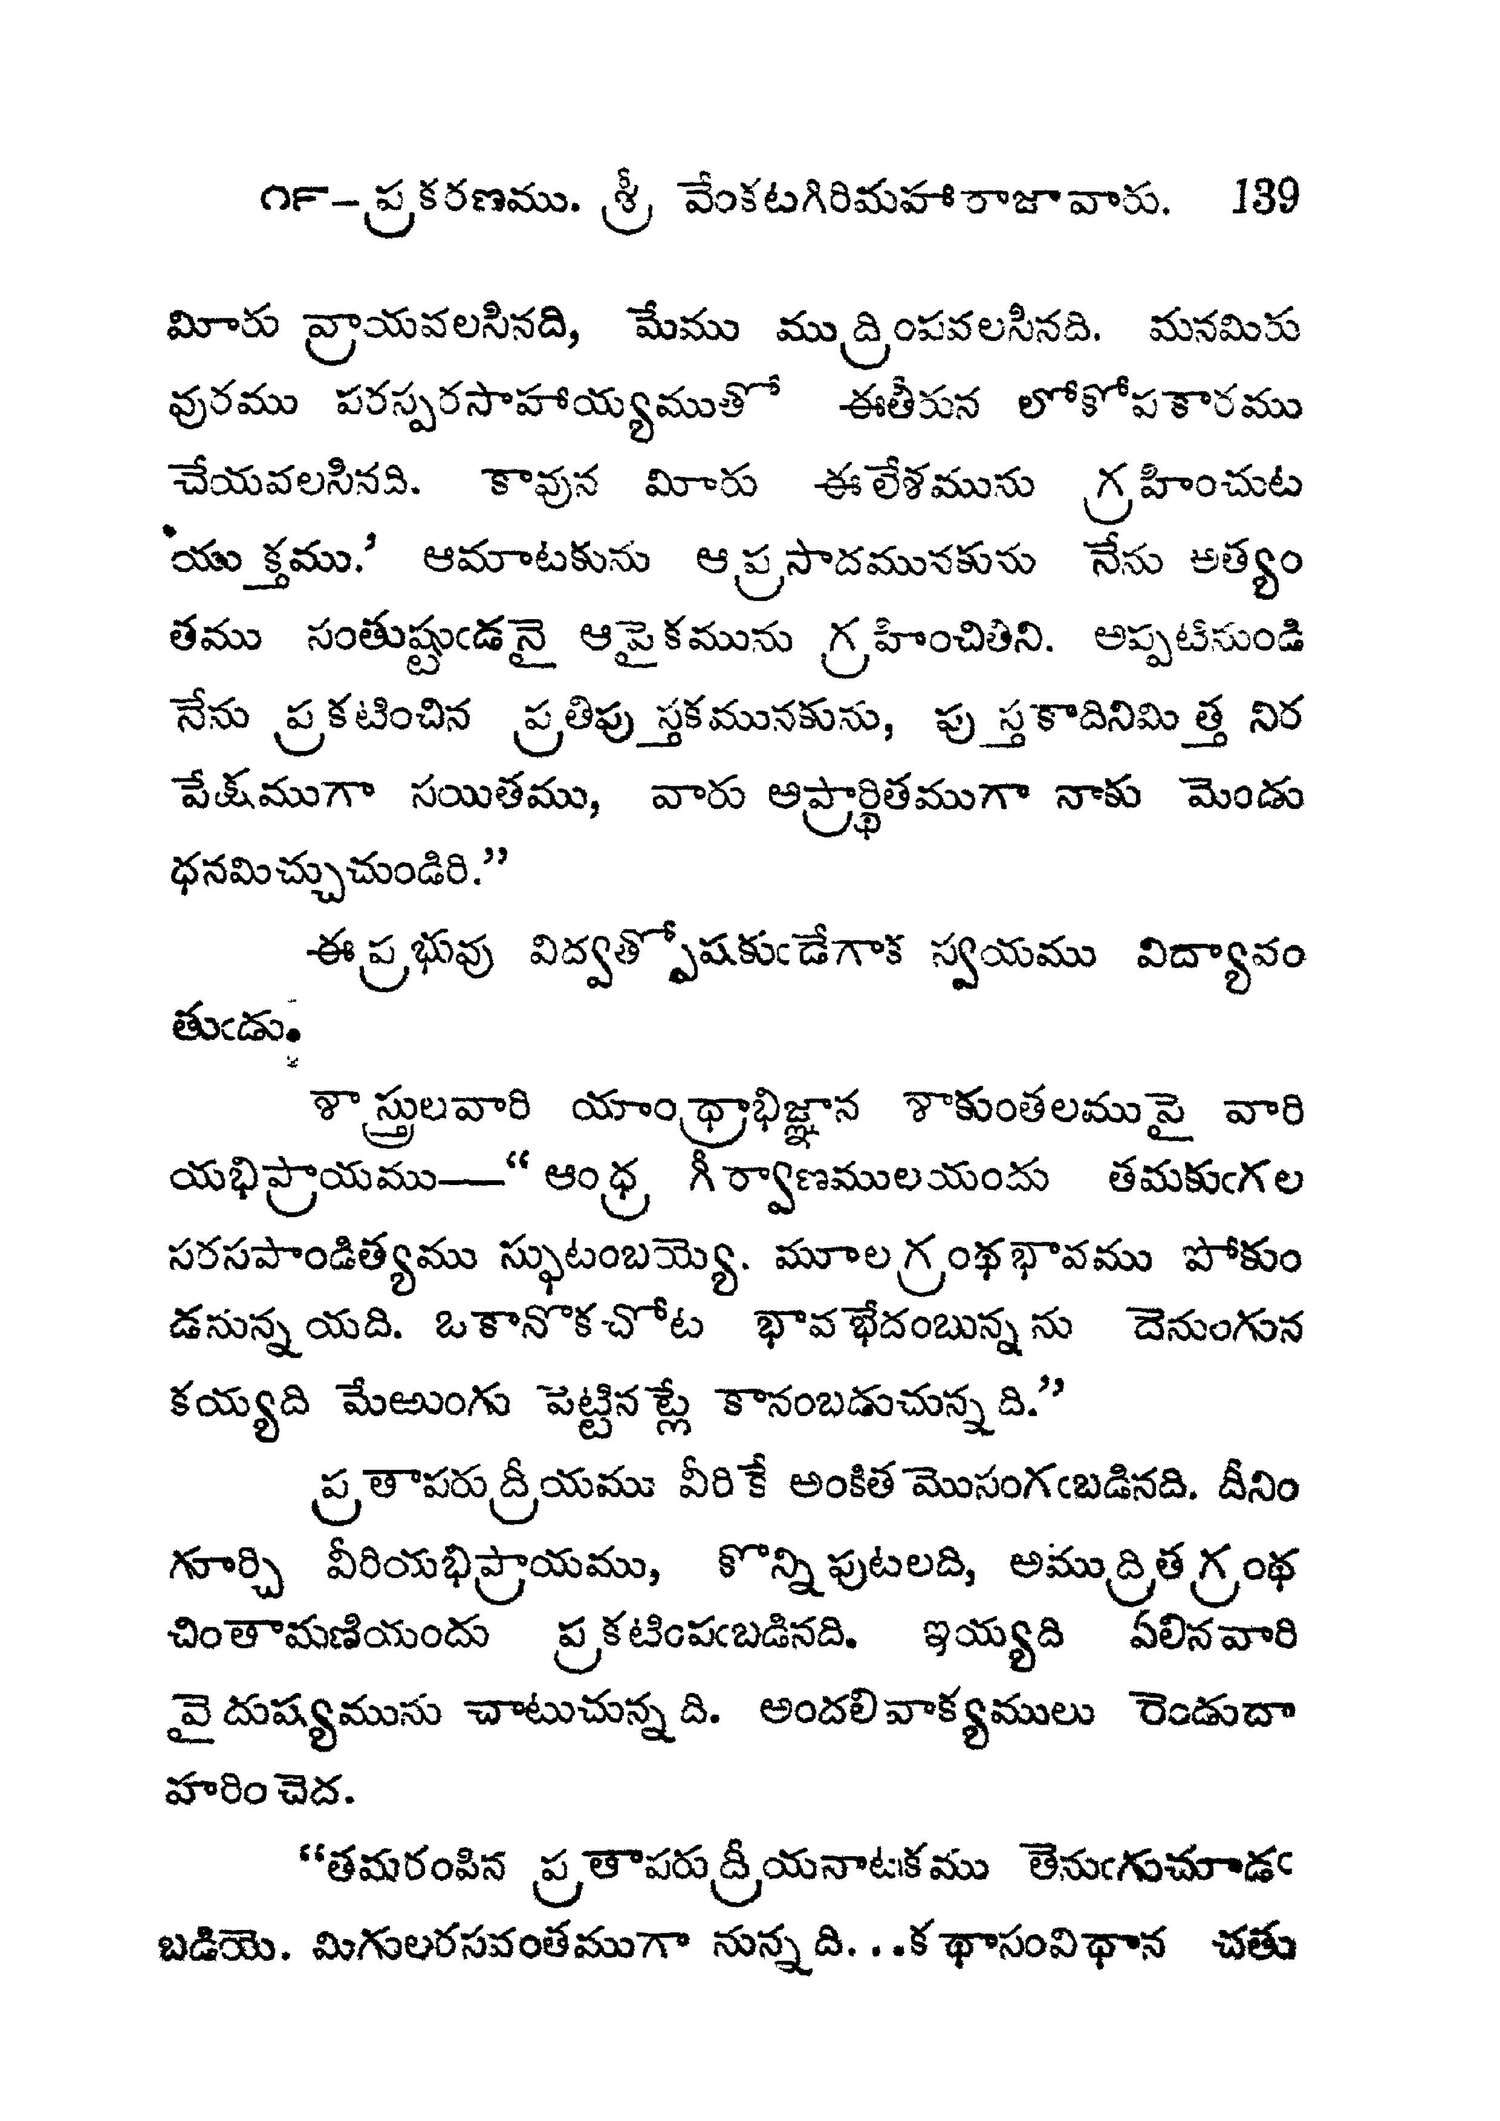మీరువ్రాయవలసినది, మేము ముద్రింపవలసినది. మనమిరువురము పరస్పరసాహాయ్యముతో ఈతీరున లోకోపకారము చేయవలసినది. కావున మీరు ఈలేశమును గ్రహించుట 'యుక్తము.' ఆమాటకును ఆప్రసాదమునకును నేను అత్యంతము సంతుష్టుడనై ఆపైకమును గ్రహించితిని. అప్పటినుండి నేను ప్రకటించిన ప్రతిపుస్తకమునకును, పుస్తకాదినిమిత్త నిరపేక్షముగా సయితము, వారు అప్రార్థితముగా నాకు మెండు ధనమిచ్చుచుండిరి."

ఈప్రభువు విద్వత్పోషకుడేగాక స్వయము విద్యావంతుడు.

శాస్త్రులవారి యాంథ్రాభిజ్ఞాన శాకుంతలముపై వారి యభిప్రాయము-"ఆంధ్ర గీర్వాణములయందు తమకుగల సరసపాండిత్యము స్ఫుటంబయ్యె. మూలగ్రంథభావము పోకుండనున్నయది. ఒకానొకచోట భావభేదంబున్నను దెనుంగున కయ్యది మేఱుంగు పెట్టినట్లే కానంబడుచున్నది."

ప్రతాపరుద్రీయము వీరికే అంకిత మొసంగబడినది. దీనింగూర్చి వీరియభిప్రాయము, కొన్నిపుటలది, అముద్రిత గ్రంథచింతామణి యందు ప్రకటింపబడినది. ఇయ్యది ఏలినవారి వైదుష్యమును చాటుచున్నది. అందలివాక్యములు రెండుదాహరించెద.

"తమరంపిన ప్రతాపరుద్రీయనాటకము తెనుగుచూడబడియె. మిగులరసవంతముగా నున్నది.... కథాసంవిధాన చతు